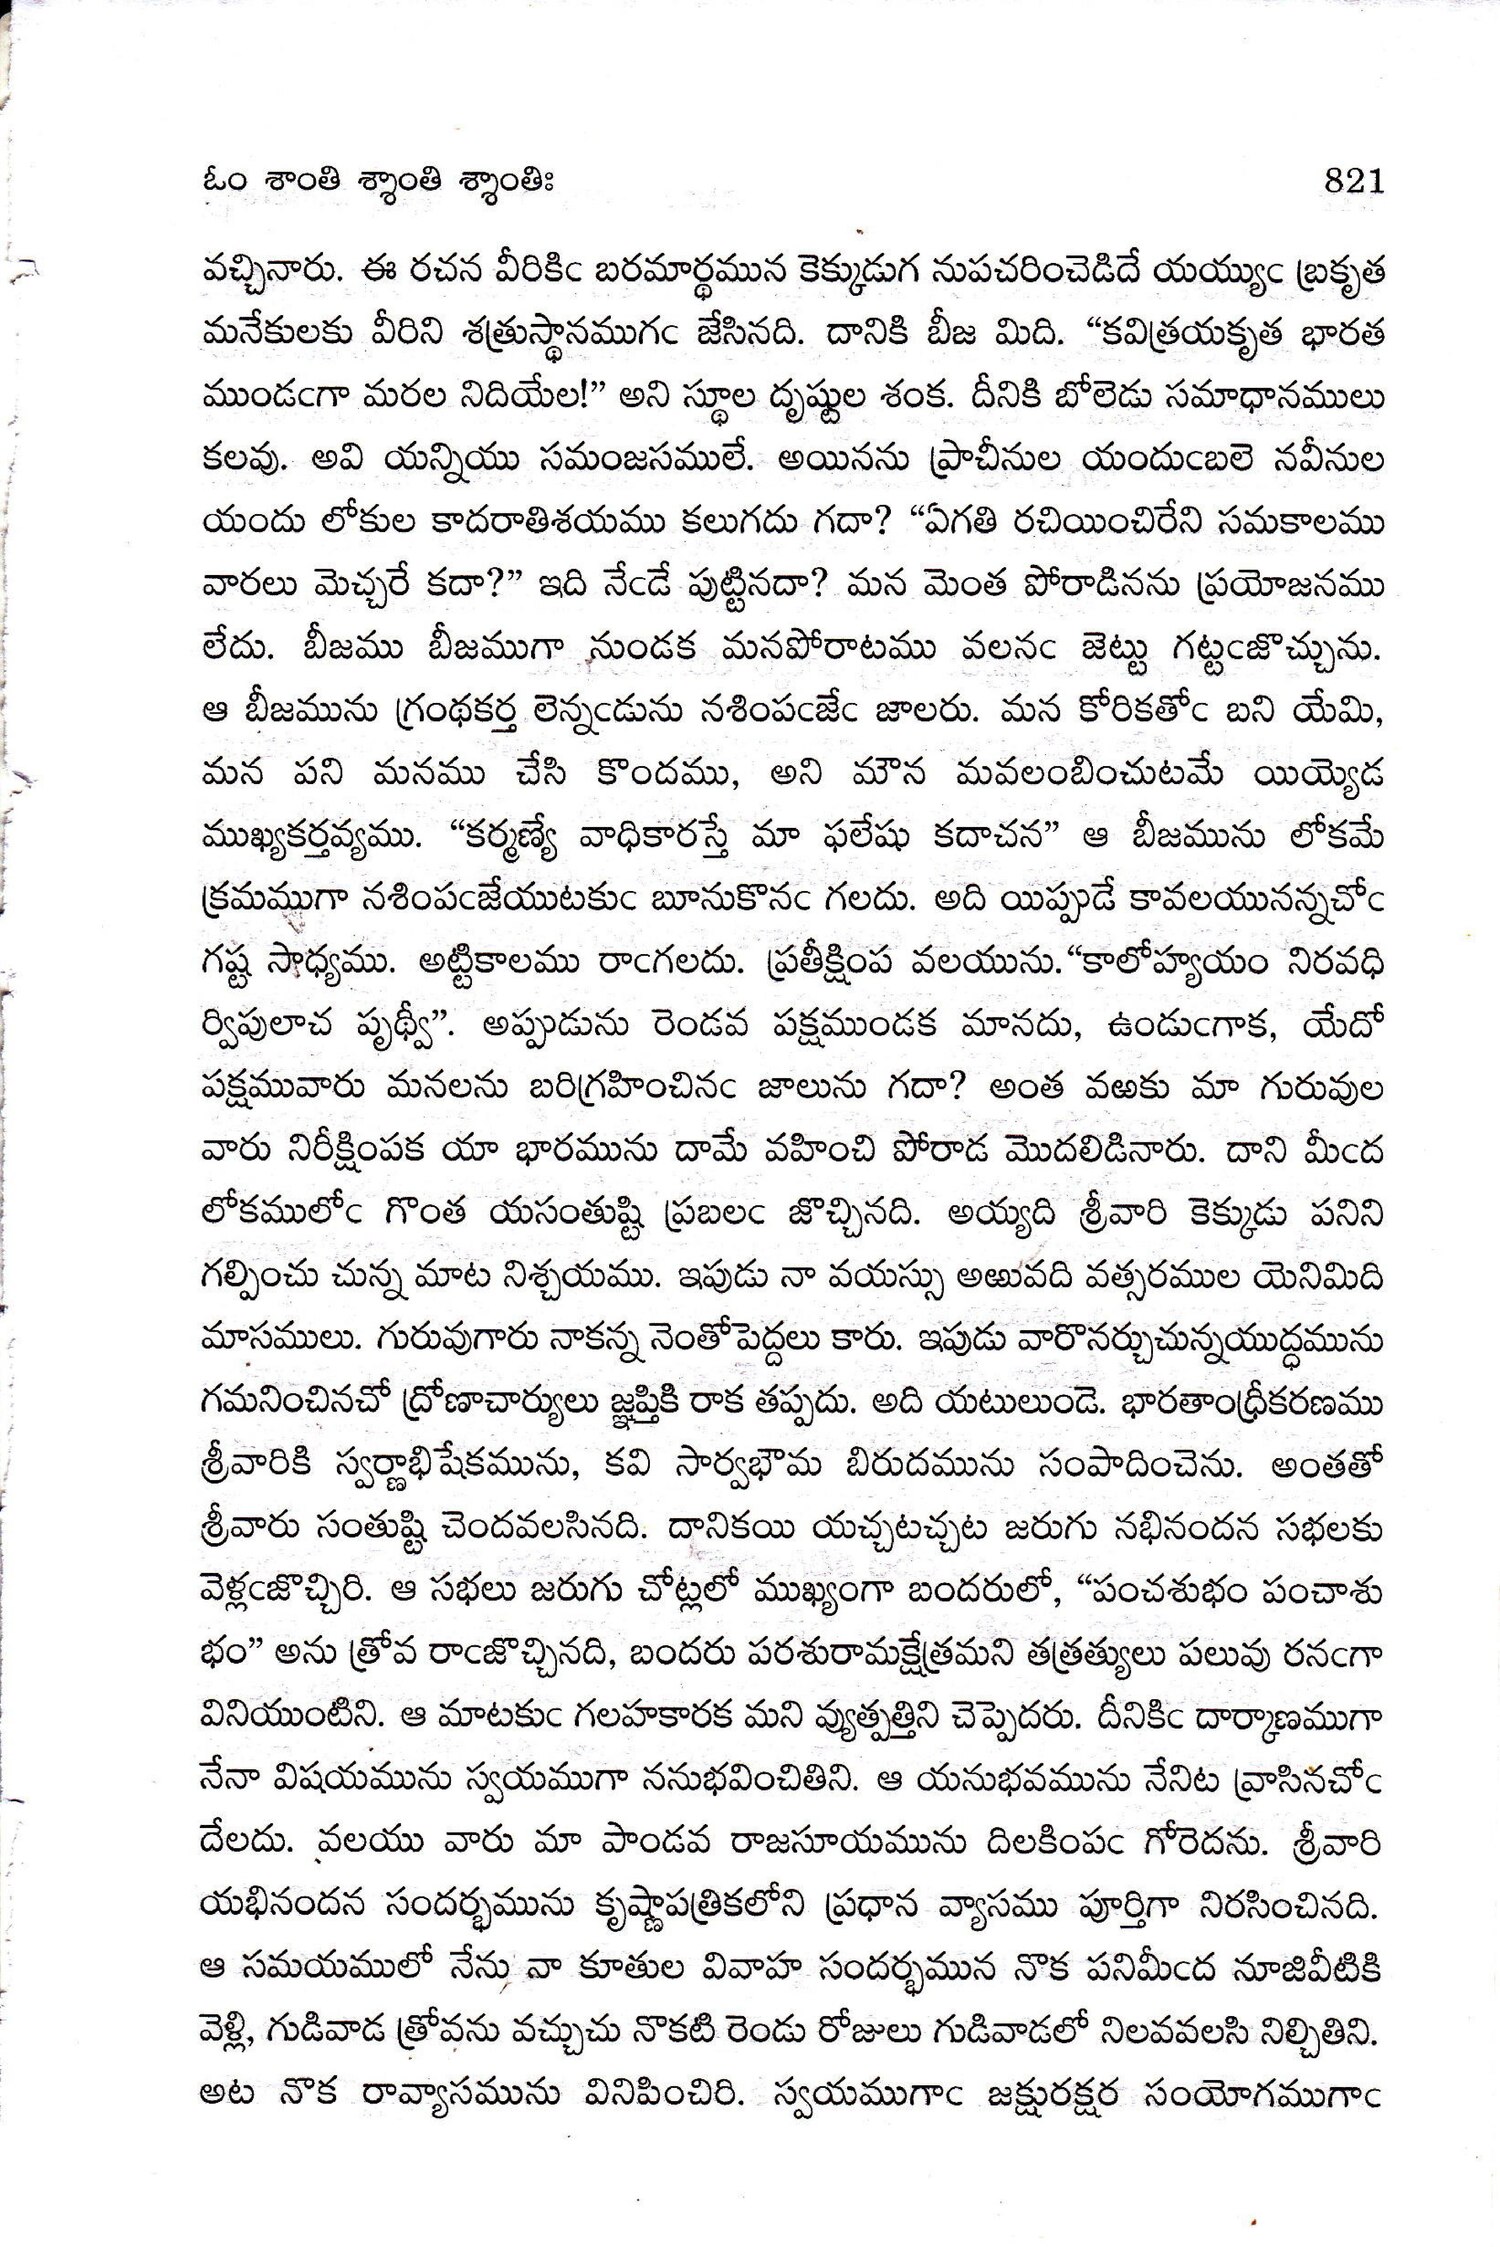వచ్చినారు. ఈ రచన వీరికిఁ బరమార్థమున కెక్కుడుగ నుపచరించెడిదే యయ్యుఁ బ్రకృత మనేకులకు వీరిని శత్రుస్థానముగఁ జేసినది. దానికి బీజ మిది. "కవిత్రయకృత భారత ముండఁగా మరల నిదియేల!” అని స్థూల దృష్టుల శంక. దీనికి బోలెడు సమాధానములు కలవు. అవి యన్నియు సమంజసములే. అయినను ప్రాచీనుల యందుఁబలె నవీనుల యందు లోకుల కాదరాతిశయము కలుగదు గదా? "ఏగతి రచియించిరేని సమకాలము వారలు మెచ్చరే కదా?" ఇది నేఁడే పుట్టినదా? మన మెంత పోరాడినను ప్రయోజనము లేదు. బీజము బీజముగా నుండక మనపోరాటము వలనఁ జెట్టు గట్టఁజొచ్చును. ఆ బీజమును గ్రంథకర్త లెన్నఁడును నశింపఁజేఁ జాలరు. మన కోరికతోఁ బని యేమి, మన పని మనము చేసి కొందము, అని మౌన మవలంబించుటమే యియ్యెడ ముఖ్యకర్తవ్యము. "కర్మణ్యే వాధికారస్తే మా ఫలేషు కదాచన" ఆ బీజమును లోకమే క్రమముగా నశింపఁజేయుటకుఁ బూనుకొనఁ గలదు. అది యిప్పుడే కావలయునన్నచోఁ గష్ట సాధ్యము. అట్టికాలము రాఁగలదు. ప్రతీక్షింప వలయును. "కాలోహ్యయం నిరవధి ర్విపులాచ పృథ్వీ", అప్పుడును రెండవ పక్షముండక మానదు, ఉండుఁగాక, యేదో పక్షమువారు మనలను బరిగ్రహించినఁ జాలును గదా? అంత వఱకు మా గురువుల వారు నిరీక్షింపక యా భారమును దామే వహించి పోరాడ మొదలిడినారు. దాని మీఁద లోకములోఁ గొంత యసంతుష్టి ప్రబలఁ జొచ్చినది. అయ్యది శ్రీవారి కెక్కుడు పనిని గల్పించు చున్న మాట నిశ్చయము. ఇపుడు నా వయస్సు అఱువది వత్సరముల యెనిమిది మాసములు. గురువుగారు నాకన్న నెంతోపెద్దలు కారు. ఇపుడు వారొనర్చుచున్నయుద్ధమును గమనించినచో ద్రోణాచార్యులు జ్ఞప్తికి రాక తప్పదు. అది యటులుండె. భారతాంద్రీకరణము శ్రీవారికి స్వర్ణాభిషేకమును, కవి సార్వభౌమ బిరుదమును సంపాదించెను. అంతతో శ్రీవారు సంతుష్టి చెందవలసినది. దానికయి యచ్చటచ్చట జరుగు నభినందన సభలకు వెళ్లఁజొచ్చిరి. ఆ సభలు జరుగు చోట్లలో ముఖ్యంగా బందరులో, “పంచశుభం పంచాశుభం" అను త్రోవ రాఁజొచ్చినది, బందరు పరశురామక్షేత్రమని తత్రత్యులు పలువు రనఁగా వినియుంటిని. ఆ మాటకుఁ గలహకారక మని వ్యుత్పత్తిని చెప్పెదరు. దీనికిఁ దార్కాణముగా నేనా విషయమును స్వయముగా ననుభవించితిని. ఆ యనుభవమును నేనిట వ్రాసినచోఁ దేలదు. వలయు వారు మా పాండవ రాజసూయమును దిలకింపఁ గోరెదను. శ్రీవారి యభినందన సందర్భమును కృష్ణాపత్రికలోని ప్రధాన వ్యాసము పూర్తిగా నిరసించినది. ఆ సమయములో నేను నా కూతుల వివాహ సందర్భమున నొక పనిమీఁద నూజివీటికి వెళ్లి, గుడివాడ త్రోవను వచ్చుచు నొకటి రెండు రోజులు గుడివాడలో నిలవవలసి నిల్చితిని. అట నొక రావ్యాసమును వినిపించిరి. స్వయముగాఁ జక్షురక్షర సంయోగముగాఁ